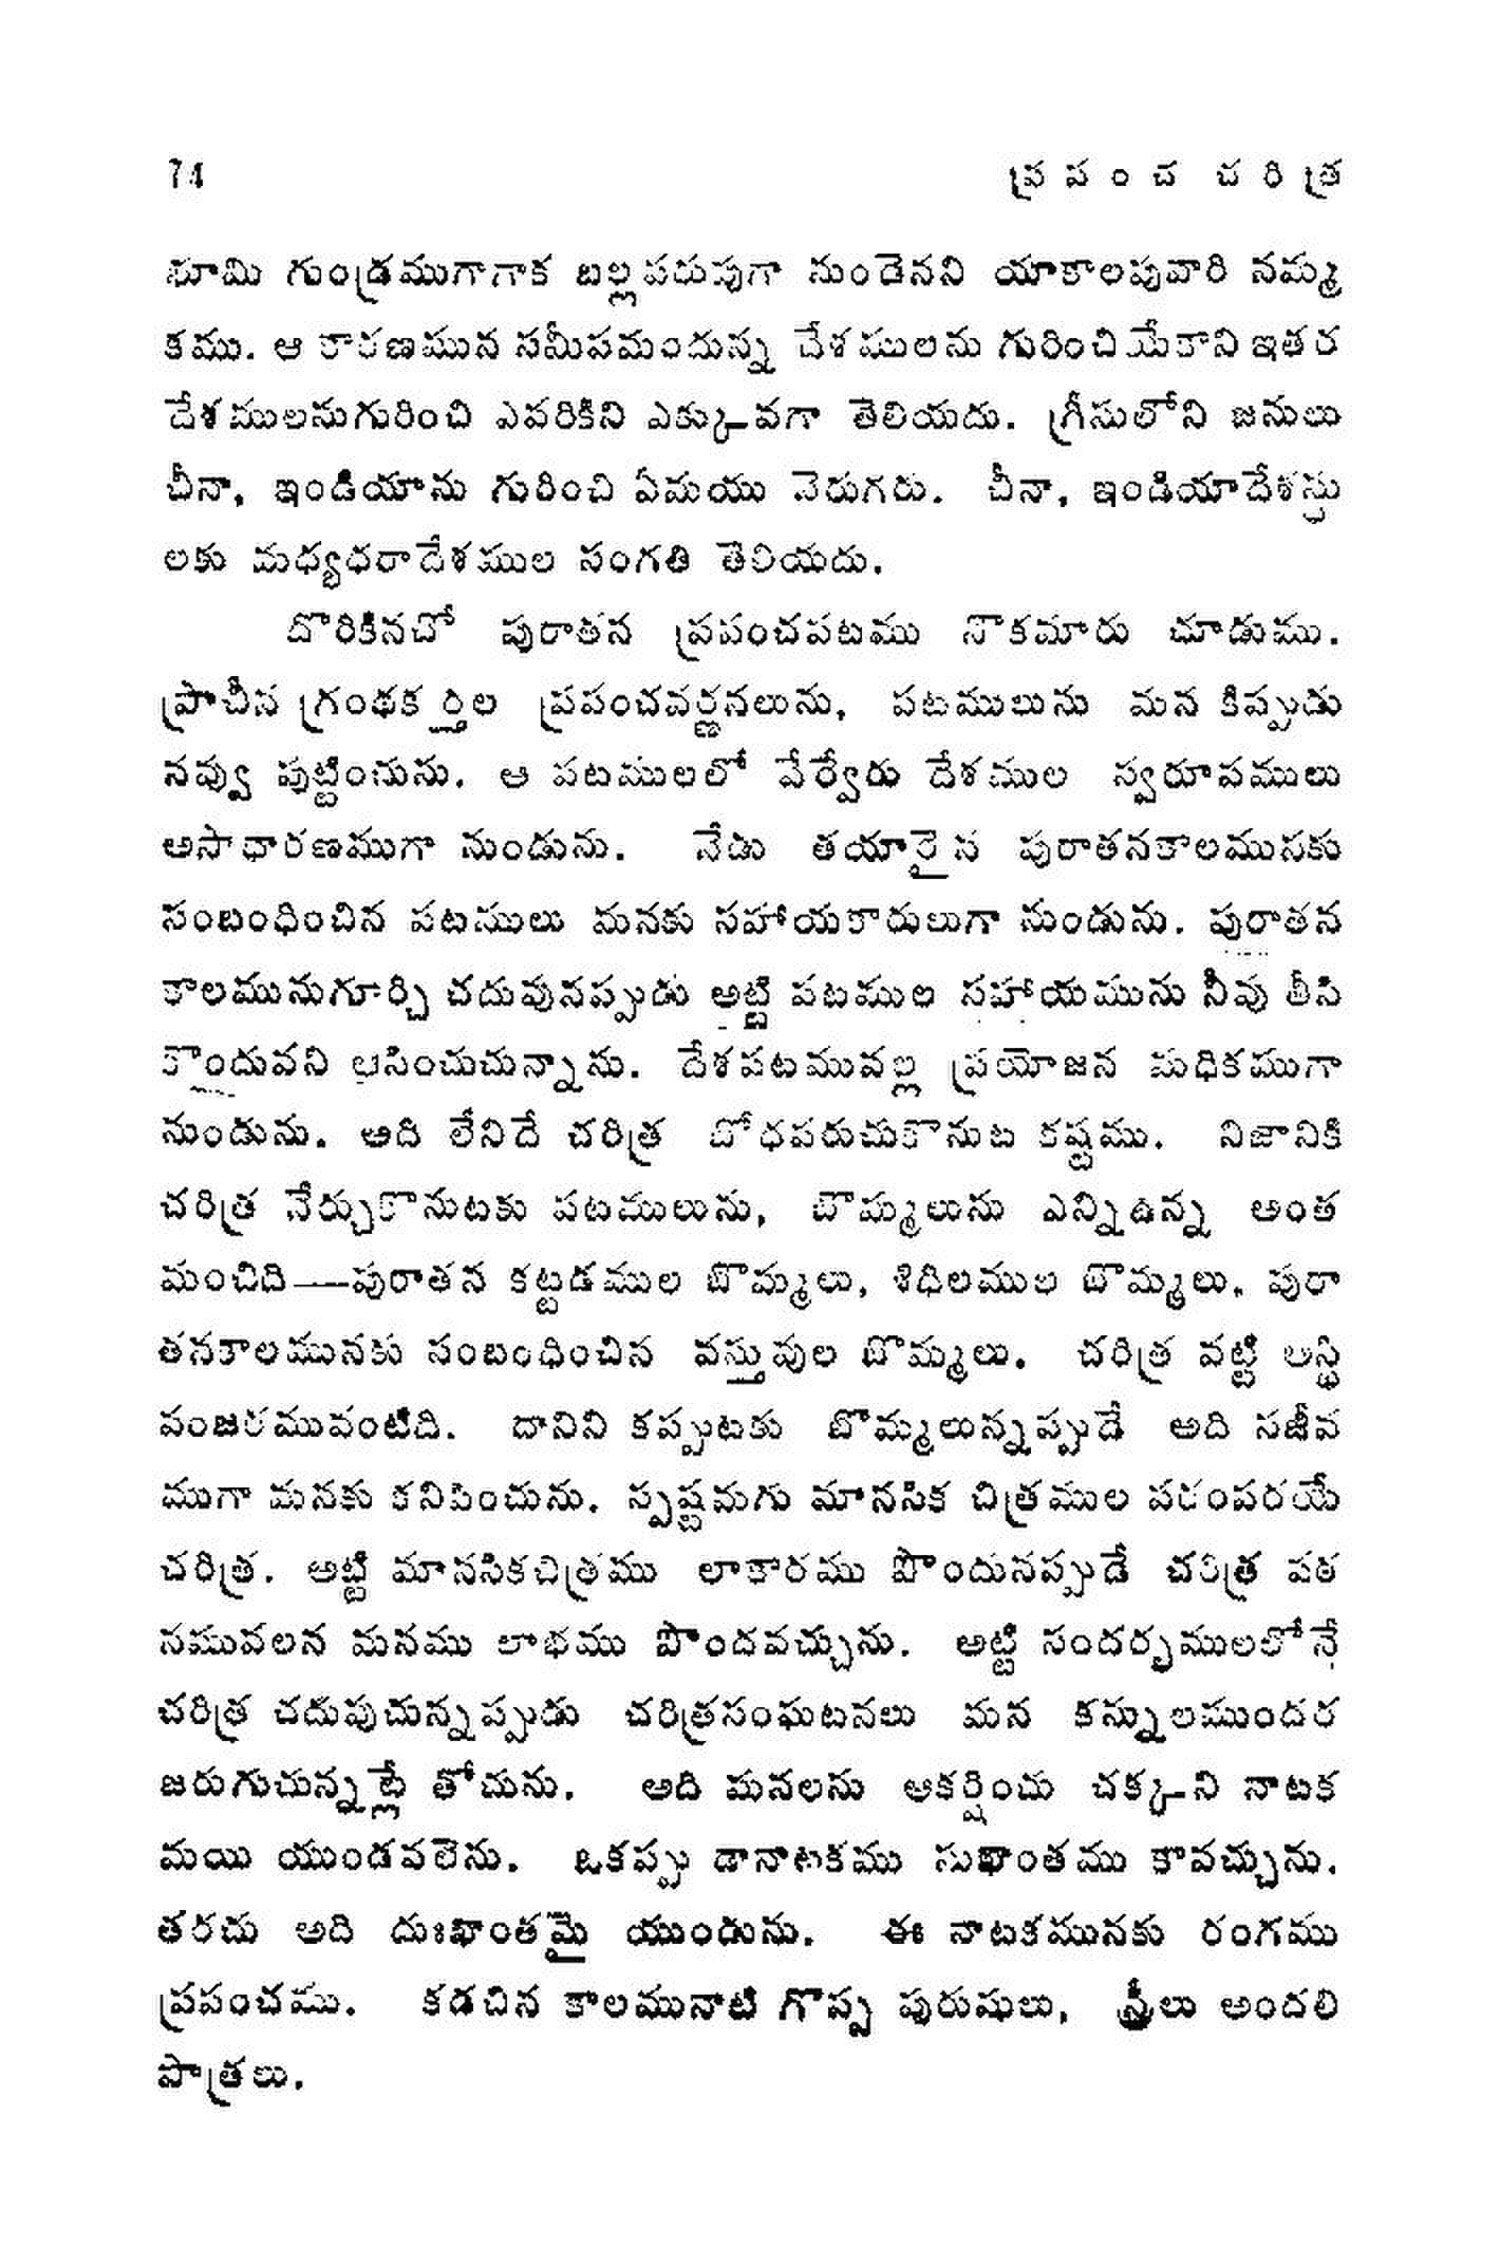భూమి గుండ్రముగాగాక బల్లపరుపుగా నుండెనని యాకాలపువారి నమ్మకము. ఆ కారణమున సమీపమందున్న చేశములను గురించి యేకాని ఇతర దేశములను గురించి ఎవరికిని ఎక్కువగా తెలియదు. గ్రీసులోని జనులు చీనా, ఇండియాను గురించి ఏమయు నెరుగరు. చీనా, ఇండియాదేశస్థులకు మధ్యధరాదేశముల సంగతి తెలియదు..

దొరికినచో పురాతన ప్రపంచపటము నొకమారు చూడుము. ప్రాచీన గ్రంథకర్తల ప్రపంచవర్ణనలును, పటములును మన కిప్పుడు నవ్వు పుట్టించును. ఆ పటములలో వేర్వేరు దేశముల స్వరూపములు అసాధారణముగా నుండును. నేడు తయారైన పురాతనకాలమునకు సంబంధించిన పటములు మనకు సహాయకారులుగా నుండును. పురాతన కాలమునుగూర్చి చదువునప్పుడు అట్టి పటముల సహాయమును నీవు తీసి కొందువని ఆసించుచున్నాను. దేశపటమువల్ల ప్రయోజన మధికముగా నుండును. అది లేనిదే చరిత్ర బోధపరుచుకొనుట కష్టము. నిజానికి చరిత్ర నేర్చుకొనుటకు పటములును, బొమ్మలును ఎన్నిఉన్న అంత మంచిది - పురాతన కట్టడముల బొమ్మలు, శిధిలముల బొమ్మలు, పురాతనకాలమునకు సంబంధించిన వస్తువుల బొమ్మలు. చరిత్ర వట్టి అస్థిపంజరమువంటిది. దానిని కప్పుటకు బొమ్మలున్నప్పుడే అది సజీవముగా మనకు కనిపించును. స్పష్టమగు మానసిక చిత్రముల పరంపరయే చరిత్ర. అట్టి మానసికచిత్రము లాకారము పొందునప్పుడే చరిత్ర పఠనమువలన మనము లాభము పొందవచ్చును. అట్టి సందర్భములలోనే చరిత్ర చదువుచున్నప్పుడు చరిత్రసంఘటనలు మన కన్నులముందర జరుగుచున్నట్లే తోచును. అది మనలను ఆకర్షించు చక్కని నాటకమయి యుండవలెను. ఒకప్పు డానాటకము సుఖాంతము కావచ్చును. తరచు అది దుఃఖాంతమై యుండును. ఈ నాటకమునకు రంగము ప్రపంచము. కడచిన కాలమునాటి గొప్ప పురుషులు, స్త్రీలు అందలి పాత్రలు.